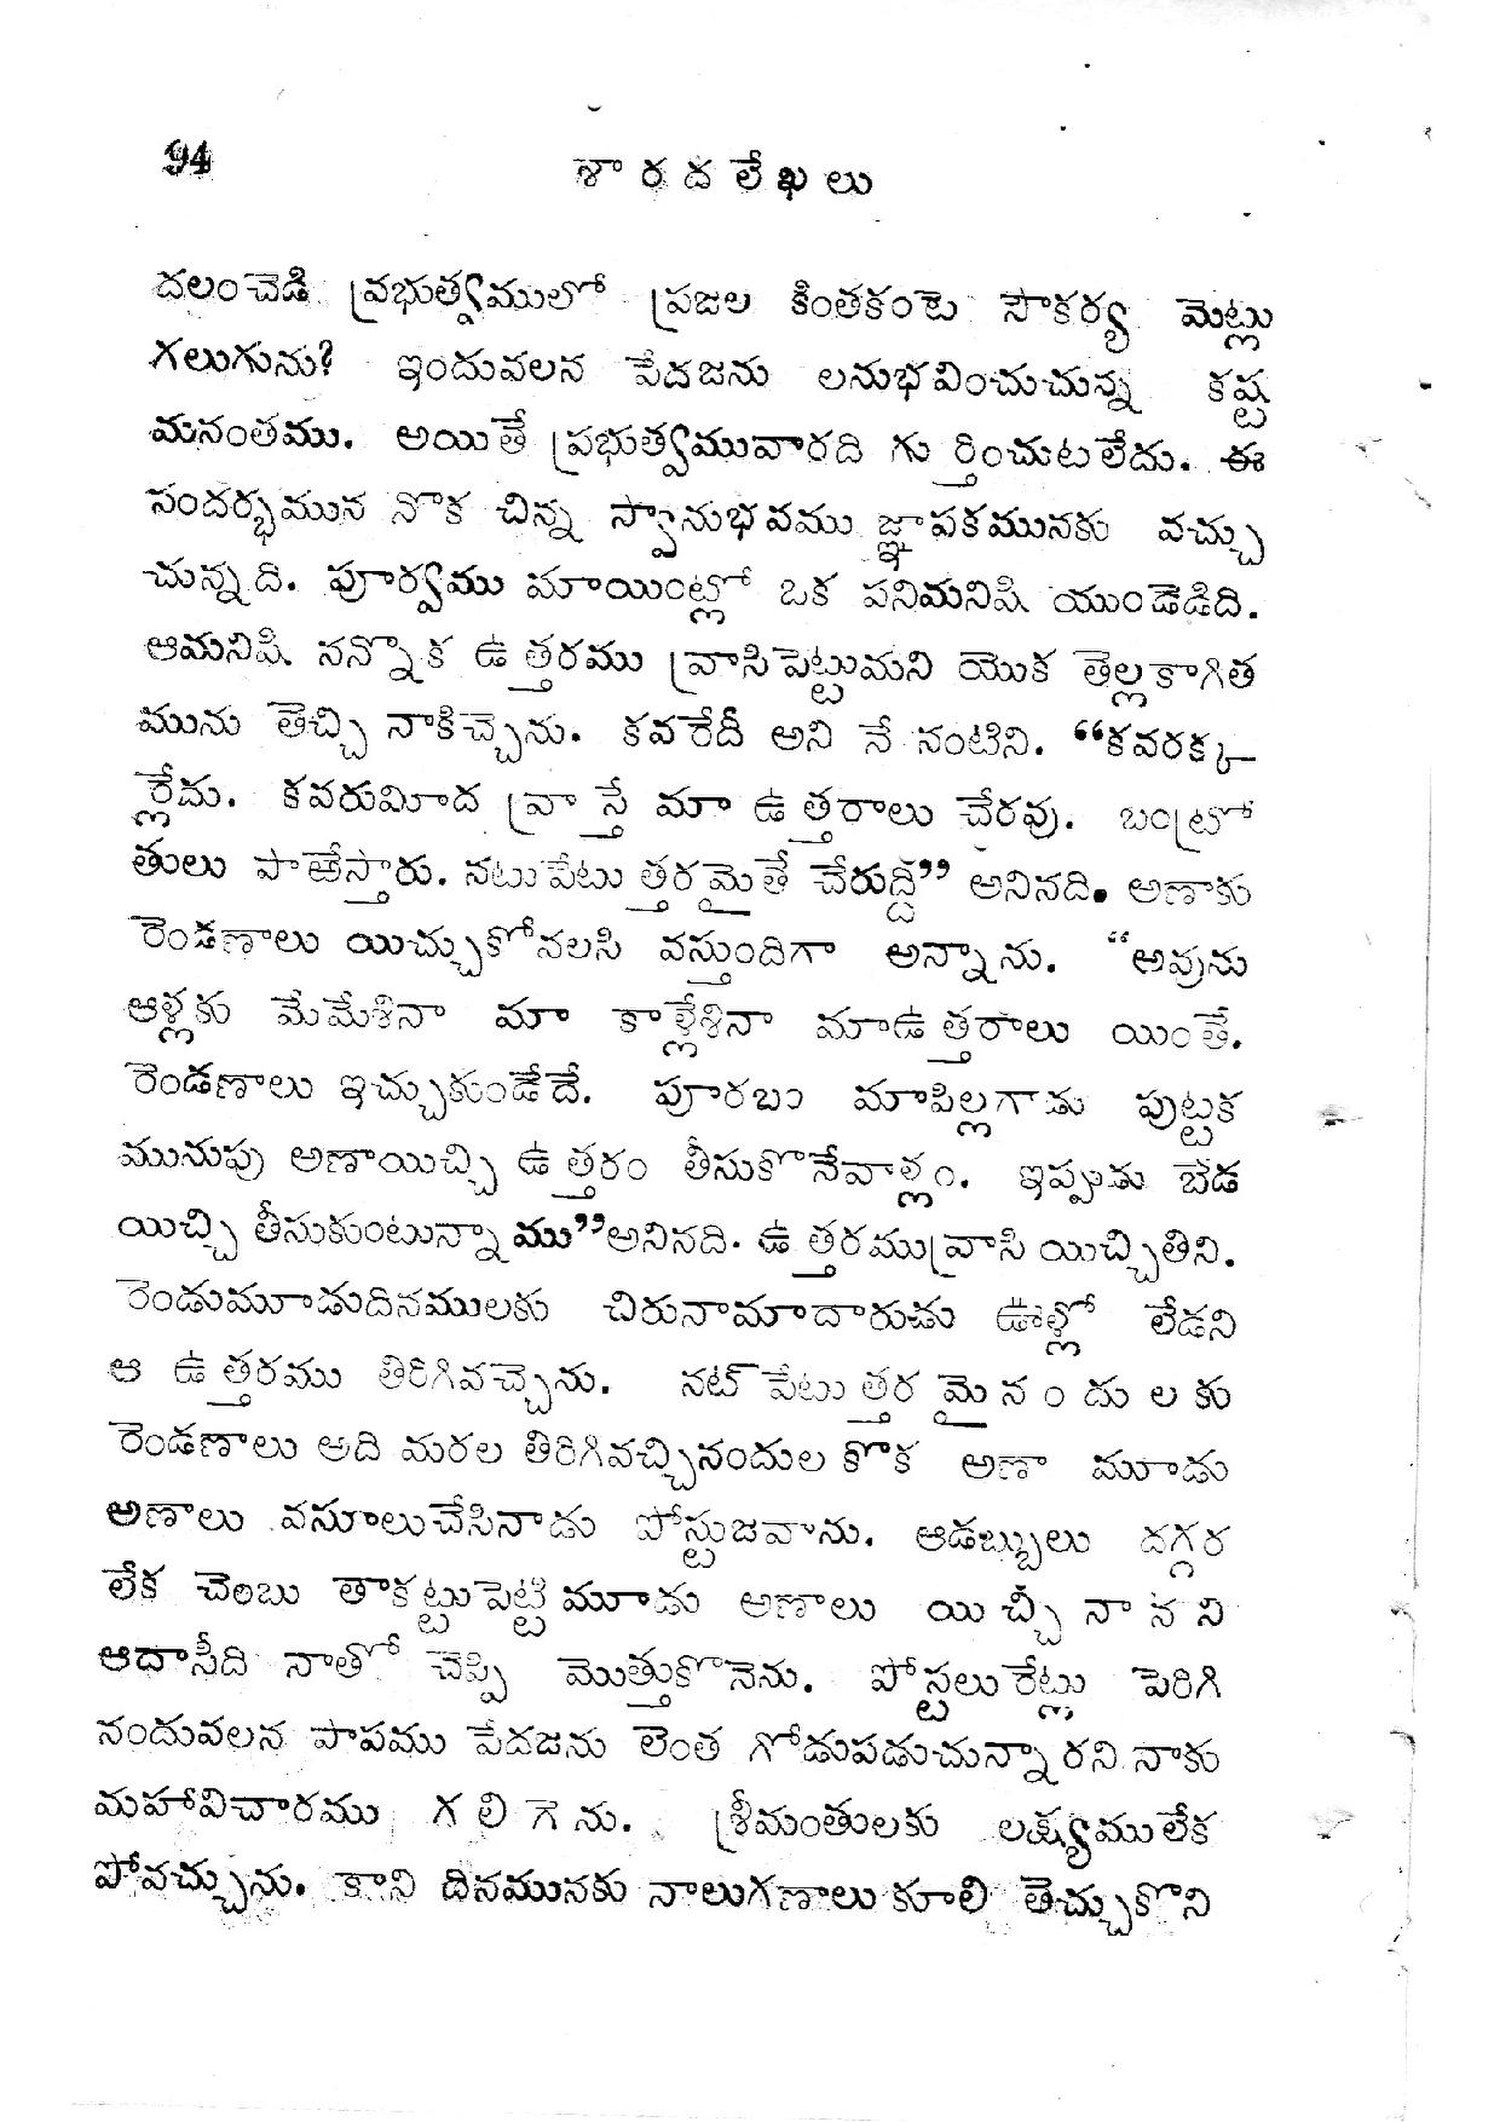దలంచెడి ప్రభుత్వములో ప్రజల కింతకంటె సౌకర్య మెట్లు గలుగును? ఇందువలన పేదజను లనుభవించుచున్న కష్ట మనంతము. అయితే ప్రభుత్వమువారది గుర్తించుటలేదు. ఈ సందర్భమున నొక చిన్న స్వానుభవము జ్ఞాపకమునకు వచ్చుచున్నది. పూర్వము మాయింట్లో ఒక పనిమనిషి యుండెడిది.
ఆమనిషి నన్నొక ఉత్తరము వ్రాసిపెట్టుమని యొక తెల్లకాగితమును తెచ్చి నాకిచ్చెను. కవరేదీ అని నే నంటిని. “కవరక్కర్లేదు. కవరుమీద వ్రాస్తే మా ఉత్తరాలు చేరవు. బంట్రోతులు పాఱేస్తారు. నటుపేటుత్తరమైతే చేరుద్ది" అనినది. అణాకు రెండణాలు యిచ్చుకోవలసి వస్తుందిగా అన్నాను. "అవును
ఆళ్లకు మేమేశినా మా కాళ్లేశినా మాఉత్తరాలు యింతే. రెండణాలు ఇచ్చుకుండేదే. పూరబం మాపిల్లగాడు పుట్టకమునుపు అణాయిచ్చి ఉత్తరం తీసుకొనేవాళ్లం. ఇప్పుడు బేడ యిచ్చి తీసుకుంటున్నాము” అనినది. ఉత్తరమువ్రాసి యిచ్చితిని. రెండుమూడుదినములకు చిరునామాదారుడు ఊళ్లో లేడని ఆ ఉత్తరము తిరిగివచ్చెను. నట్‌పేటుత్తరమైనందులకు రెండణాలు అది మరల తిరిగివచ్చినందుల కొక అణా మూడు
అణాలు వసూలుచేసినాడు పోస్టుజవాను. అడబ్బులు దగ్గర లేక చెంబు తాకట్టుపెట్టిమూడు అణాలు
యిచ్చినానని ఆదాసీది నాతో చెప్పి మొత్తుకొనెను. పోస్టలురేట్లు పెరిగి నందువలన పాపము పేదజను లెంత గోడుపడుచున్నారని నాకు మహావిచారము గలిగెను. శ్రీమంతులకు లక్ష్యములేక పోవచ్చును. కాని దినమునకు నాలుగణాలు కూలి తెచ్చుకొని